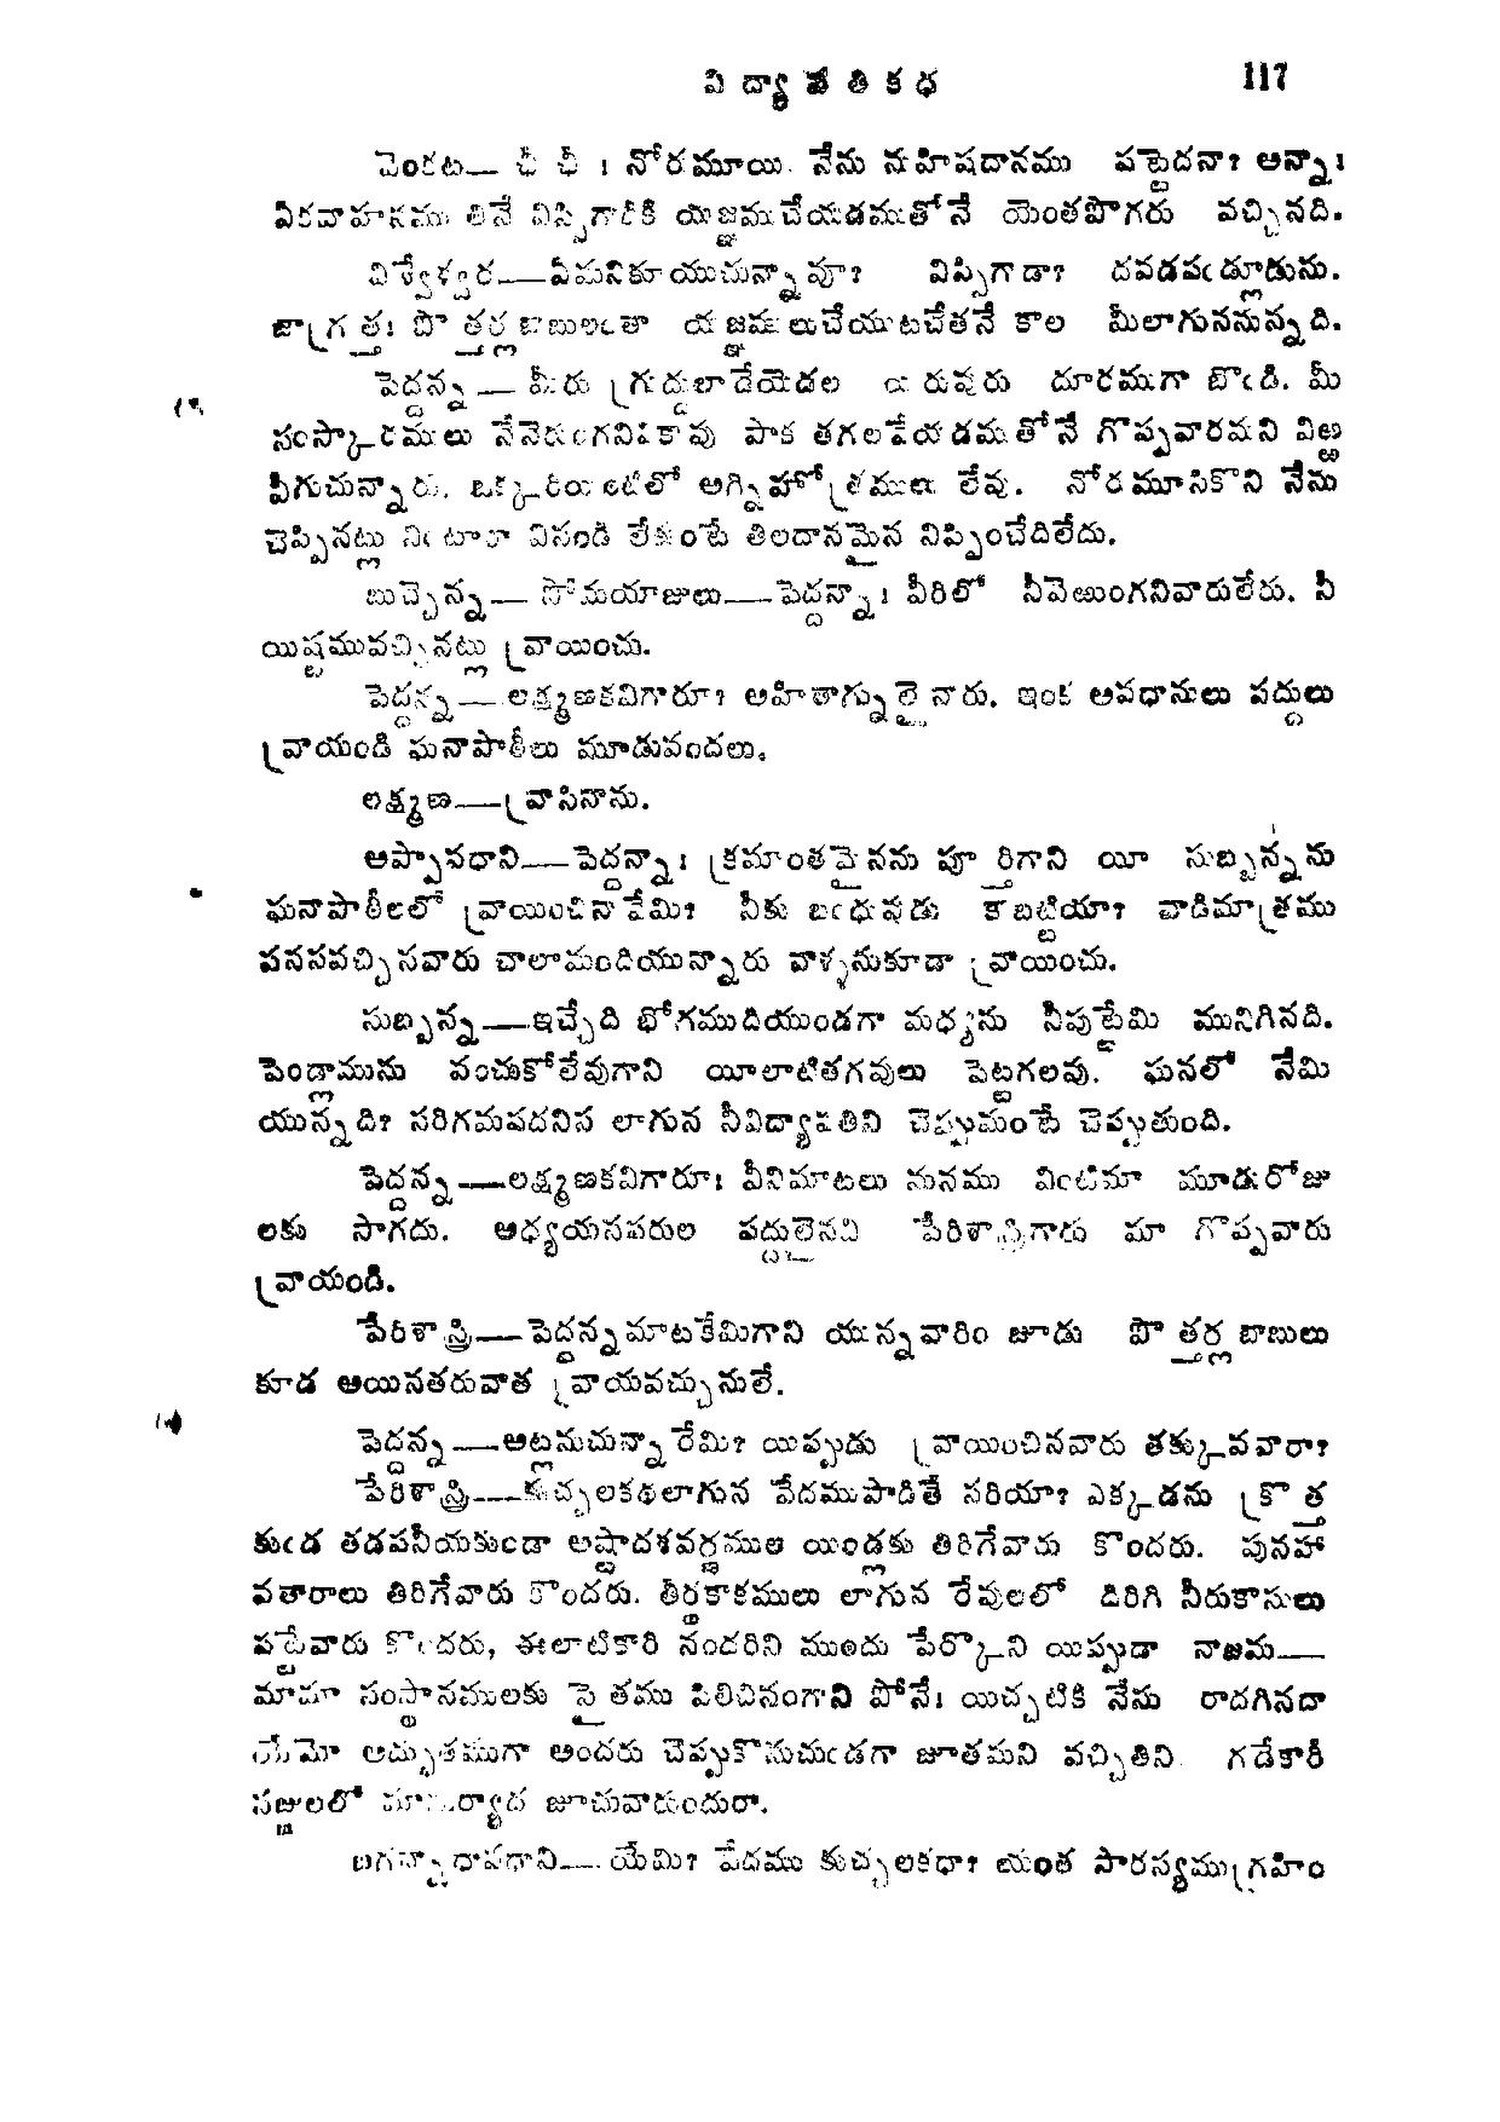వెంకట - ఛీ ఛీ! నోరుమూయి. నేను మహిషదానము పట్టెదనా? అన్నా? ఏకవాహనము తినే విస్సిగారికి యజ్ఞముచేయడముతోనే యెంతపొగరు వచ్చినది.

విశ్వేశ్వర - ఏమని కూయుచున్నావూ? విస్సిగాడా? దవడపండ్లూడును. జాగ్రత్త! పొత్తర్లజాబులంతా యజ్ఞములుచేయుటచేతనే కాల మీలాగుననున్నది.

పెద్దన్న - మీరు గ్రుద్దులాడేయెడల యిరువురు దూరముగా బొండి. మీ సంస్కారములు నేనెరుంగనివికావు పాక తగలవేయడముతోనే గొప్పవారమని విఱ్ఱవీగుచున్నారు. ఒక్కరియింటిలో అగ్నిహోత్రములు లేవు. నోరుమూసికొని నేను చెప్పినట్లు వింటారా వినండి లేకుంటే తిలదానమైన నిప్పించేదిలేదు.

బుచ్చెన్న -- సోమయాజులు - పెద్దన్నా ! వీరిలో నీవెఱుంగనివారులేరు. నీ యిష్టమువచ్చినట్లు వ్రాయించు.

పెద్దన్న -- లక్ష్మణకవిగారూ ! అహితాగ్నులైనారు. ఇంక అవధానులు పద్దులు వ్రాయండి ఘనాపాఠీలు మూడువందలు.

లక్ష్మణ - వ్రాసినాను.

అప్పావధాని --- పెద్దన్నా! క్రమాంతమైనను పూర్తిగాని యీ సుబ్బన్నను ఘనాపాఠీలలో వ్రాయించినా వేమి? నీకు బంధువుడు కాబట్టియా? వాడిమాత్రము పనసవచ్చినవారు చాలామందియున్నారు వాళ్ళనుకూడా వ్రాయించు.

సుబ్బన్న – ఇచ్చేది భోగముదియుండగా మధ్యను నీపుట్టేమి మునిగినది. పెండ్లామును వంచుకోలేవుగాని యీలాటితగవులు పెట్టగలవు. ఘనలో నేమి యున్నది? సరిగమపదనిస లాగున నీవిద్యావతిని చెప్పుమంటే చెప్పుతుంది.

పెద్దన్న - లక్ష్మణకవిగారూ! వీనిమాటలు మనము వింటిమా మూడురోజులకు సాగదు. ఆధ్యయనపరుల పద్దులైనవి పేరిశాస్త్రిగారు మా గొప్పవారు వ్రాయండి.

పేరిశాస్త్రి - పెద్దన్నమాటకేమిగాని యున్నవారిం జూడు పొత్తర్ల బాబులు కూడ అయినతరువాత వ్రాయవచ్చునులే.

పెద్దన్న -- అట్లనుచున్నా రేమి? యిప్పుడు వాయించినవారు తక్కువవారా?

పేరిశాస్త్రి -- కుచ్చలకథలాగున వేదముపాడితే సరియా? ఎక్కడను క్రొత్తకుండ తడపనీయకుండా అష్టాదశవర్ణముల యిండ్లకు తిరిగేవారు కొందరు. పునహావతారాలు తిరిగేవారు కొందరు. తీర్థకాకములు లాగున రేవులలో దిరిగి నీరుకాసులు పట్టేవారు కొందరు. ఈలాటివారి నందరిని ముందు పేర్కొని యిప్పుడా నాజమ-- మామా సంస్థానములకు సైతము పిలిచినంగాని పోనే! యిచ్చటికి నేను రాదగినదా యేమో అద్భుతముగా అందరు చెప్పుకొనుచుండగా జూతమని వచ్చితిని గడేకారీ
సజ్జులలో మామర్యాద జూచువారుందురా.

జగన్నాధావధాని - యేమి? వేదము కుచ్చలకథా! యంత సారస్యముగ్రహిం